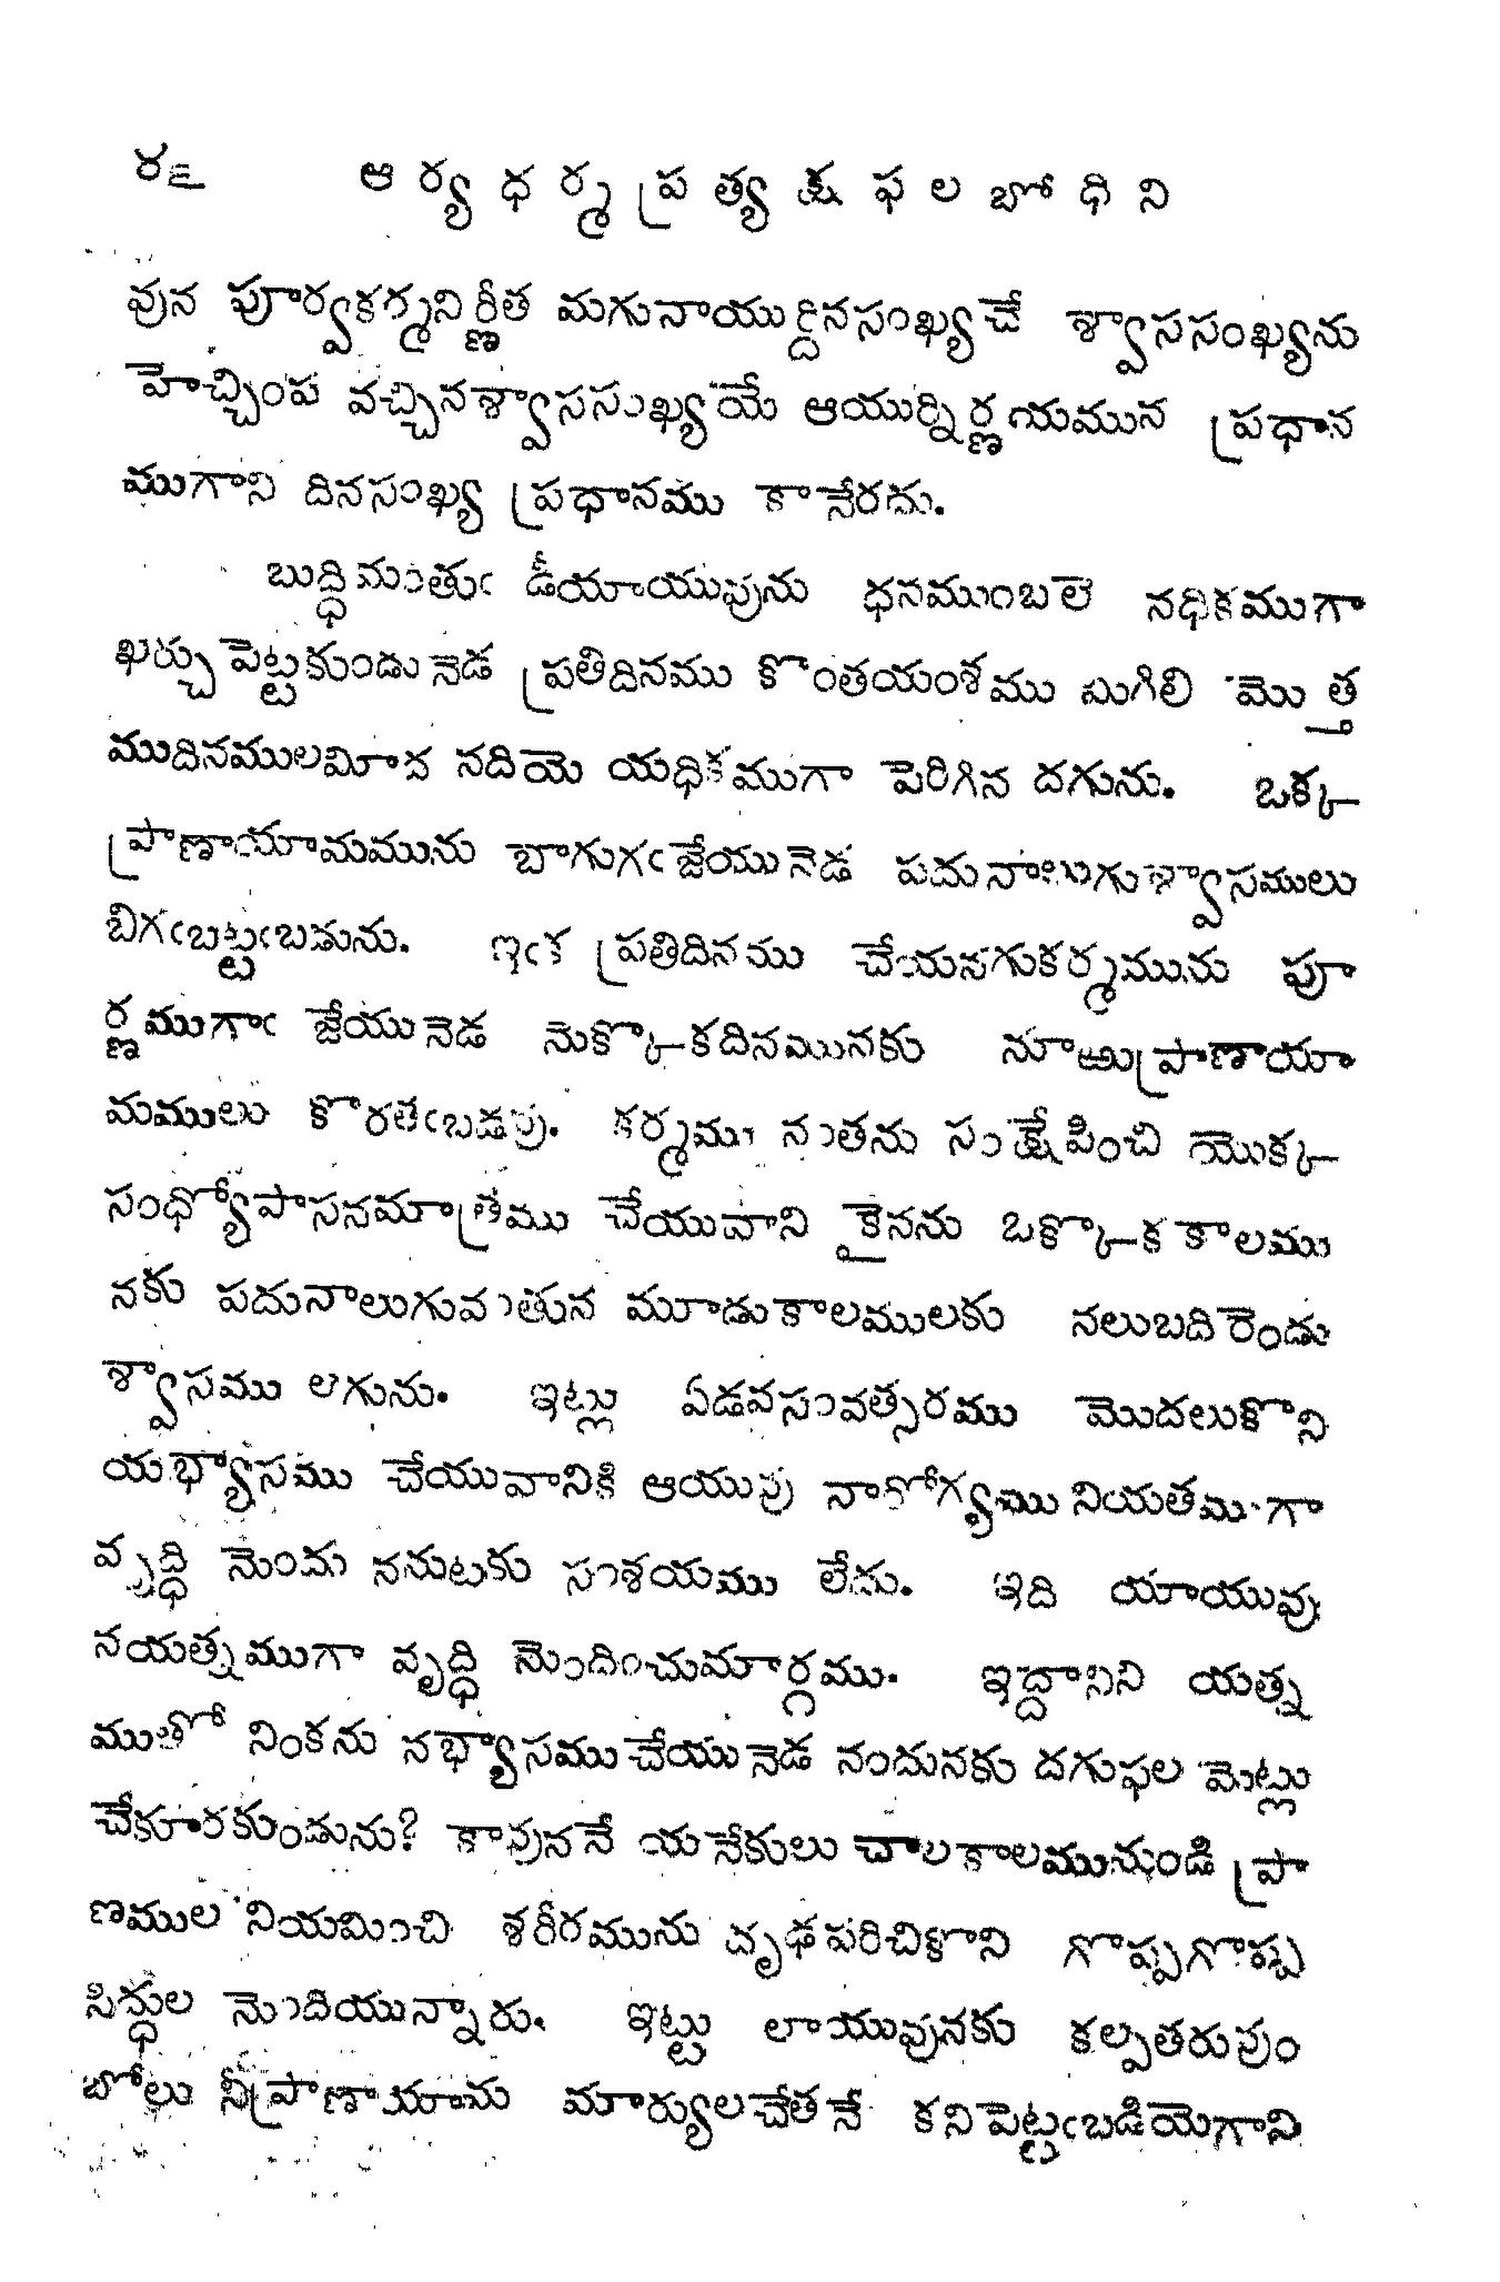వున పూర్వకర్మనిర్ణీత మగునాయుర్దినసంఖ్యచే శ్వాససంఖ్యను హెచ్చింప వచ్చినశ్వాససంఖ్యయే ఆయుర్నిర్ణయమున ప్రధానముగాని దినసంఖ్య ప్రధానము కానేరదు.

బుద్దిమంతుఁ డీయాయువును ధనముంబలె నధికముగా ఖర్చుపెట్టకుండునెడ ప్రతిదినము కొంతయంశము మిగిలి మొత్తముదినములమీద నదియె యధికముగా పెరిగిన దగును. ఒక్క ప్రాణాయామమును బాగుగఁజేయునెడ పదునాలుగుశ్వాసములు బిగఁబట్టఁబడును. ఇఁక ప్రతిదినము చేయనగుకర్మమును పూర్ణముగాఁ జేయునెడ నొక్కొకదినమునకు నూఱుప్రాణాయామములు కొరతఁబడపు. కర్మము నంతను సంక్షేపించి యొక్క సంధ్యోపాసనమాత్రము చేయువాని కైనను ఒక్కొకకాలమునకు పదునాలుగువంతున మూడుకాలములకు నలుబదిరెండు శ్వాసము లగును. ఇట్లు ఏడవసంవత్సరము మొదలుకొని యభ్యాసము చేయువానికి ఆయువు నారోగ్యము నియతముగా వృద్ధి నొందు ననుటకు సంశయము లేదు. ఇది యాయువునయత్నముగా వృద్ధి నొందించుమార్గము. ఇద్దానిని యత్నముతో నింకను నభ్యాసముచేయునెడ నందునకు దగుఫలమెట్లు చేకూరకుండును? కావుననే యనేకులు చాలకాలమునుండి ప్రాణముల నియమించి శరీరమును దృఢపరిచికొని గొప్పగొప్ప సిద్ధుల నొందియున్నారు. ఇట్టు లాయువునకు కల్పతరువుంబోలు నీప్రాణాయామ మార్యులచేతనే కనిపెట్టఁబడియెగాని